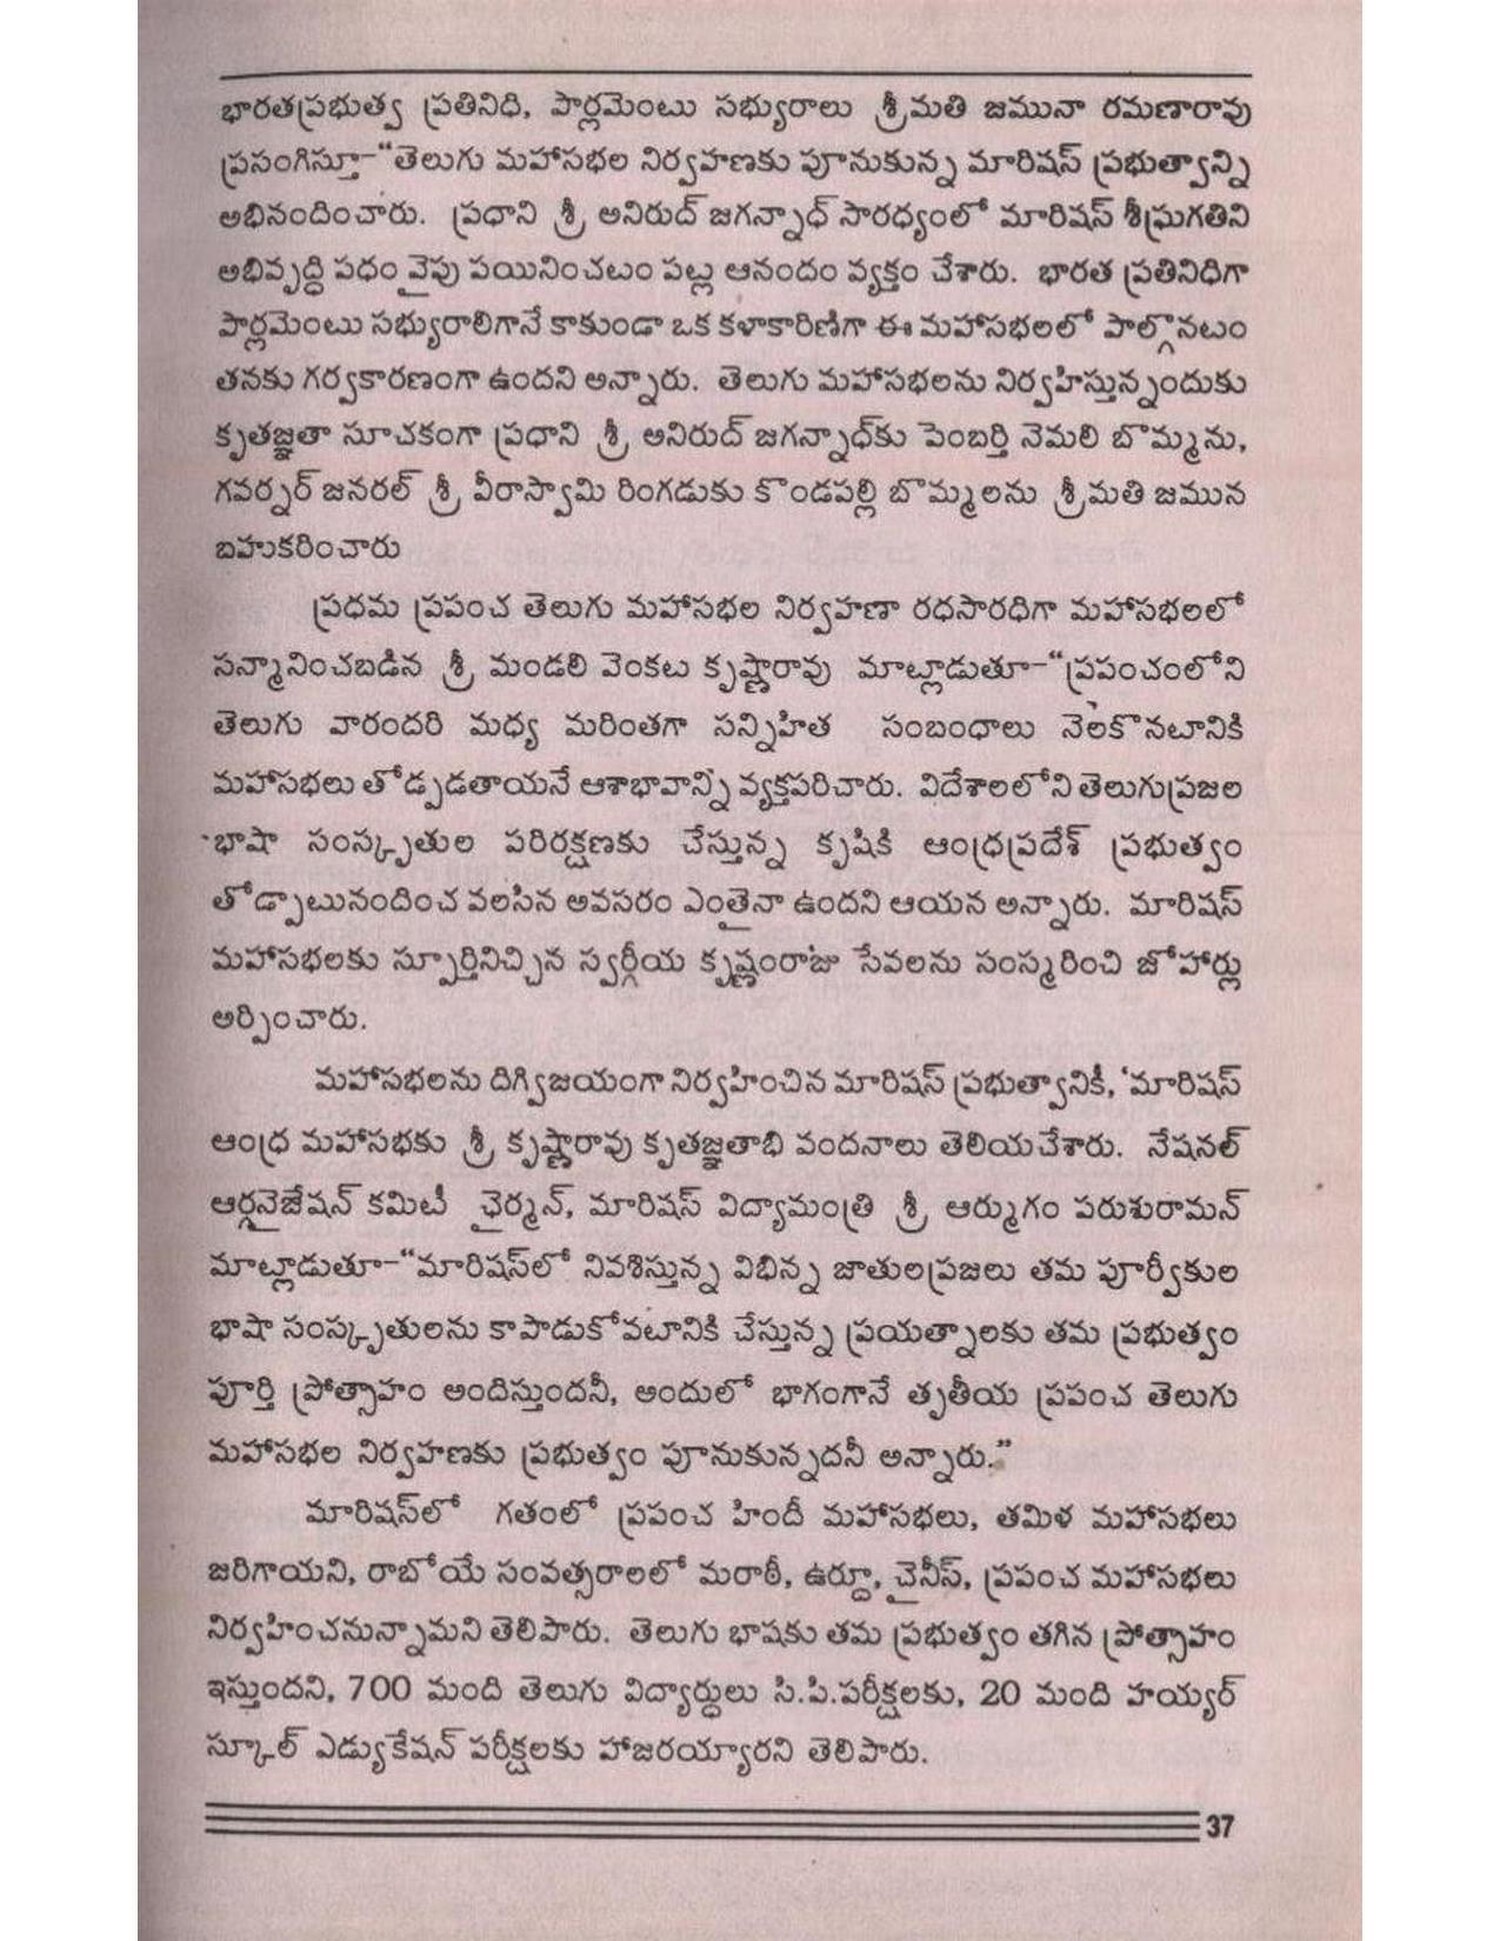భారతప్రభుత్వ ప్రతినిధి, పార్లమెంటు సభ్యురాలు శ్రీమతి జమునా రమణారావు ప్రసంగిస్తూ "తెలుగు మహాసభల నిర్వహణకు పూనుకున్న మారిషస్ ప్రభుత్వాన్ని అభినందించారు. ప్రధాని శ్రీ అనిరుద్ జగన్నాధ్ సారధ్యంలో మారిషస్ శీఘ్రగతిని అభివృద్ధి పధం వైపు పయినించటం పట్ల ఆనందం వ్యక్తం చేశారు. భారత ప్రతినిధిగా పార్లమెంటు సభ్యురాలిగానే కాకుండా ఒక కళాకారిణిగా ఈ మహాసభలలో పాల్గొనటం తనకు గర్వకారణంగా ఉందని అన్నారు. తెలుగు మహాసభలను నిర్వహిస్తున్నందుకు కృతజ్ఞతా సూచకంగా ప్రధాని శ్రీ అనిరుద్ జగన్నాధ్‌కు పెంబర్తి నెమలి బొమ్మను, గవర్నర్ జనరల్ శ్రీ వీరాస్వామి రింగడుకు కొండపల్లి బొమ్మలను శ్రీమతి జమున బహుకరించారు.

ప్రధమ ప్రపంచ తెలుగు మహాసభల నిర్వహణా రధసారధిగా మహాసభలలో సన్మానించబడిన శ్రీ మండలి వెంకట కృష్ణారావు మాట్లాడుతూ "ప్రపంచంలోని తెలుగు వారందరి మధ్య మరింతగా సన్నిహిత సంబంధాలు నెలకొనటానికి మహాసభలు తోడ్పడతాయనే ఆశాభావాన్ని వ్యక్తపరిచారు. విదేశాలలోని తెలుగు ప్రజల భాషా సంస్కృతుల పరిరక్షణకు చేస్తున్న కృషికి ఆంధ్రప్రదేశ్ ప్రభుత్వం తోడ్పాటునందించ వలసిన అవసరం ఎంతైనా ఉందని ఆయన అన్నారు. మారిషస్ మహాసభలకు స్పూర్తినిచ్చిన స్వర్గీయ కృష్ణంరాజు సేవలను సంస్మరించి జోహార్లు అర్పించారు.

మహాసభలను దిగ్విజయంగా నిర్వహించిన మారిషస్ ప్రభుత్వానికీ, 'మారిషస్ ఆంధ్ర మహాసభకు శ్రీ కృష్ణారావు కృతజ్ఞతాభి వందనాలు తెలియచేశారు. నేషనల్ ఆర్గనైజేషన్ కమిటీ ఛైర్మన్, మారిషస్ విద్యామంత్రి శ్రీ ఆర్ముగం పరుశురామన్ మాట్లాడుతూ-"మారిషస్‌లో నివశిస్తున్న విభిన్న జాతుల ప్రజలు తమ పూర్వీకుల భాషా సంస్కృతులను కాపాడుకోవటానికి చేస్తున్న ప్రయత్నాలకు తమ ప్రభుత్వం పూర్తి ప్రోత్సాహం అందిస్తుందనీ, అందులో భాగంగానే తృతీయ ప్రపంచ తెలుగు మహాసభల నిర్వహణకు ప్రభుత్వం పూనుకున్నదనీ అన్నారు."

మారిషస్‌లో గతంలో ప్రపంచ హిందీ మహాసభలు, తమిళ మహాసభలు జరిగాయని, రాబోయే సంవత్సరాలలో మరాఠీ, ఉర్దూ, చైనీస్, ప్రపంచ మహాసభలు నిర్వహిం చనున్నామని తెలిపారు, తెలుగు భాషకు తమ ప్రభుత్వం తగిన ప్రోత్సాహం ఇస్తుందని, 700 మంది తెలుగు విద్యార్థులు సి.పి.పరీక్షలకు, 20 మంది హయ్యర్ స్కూల్ ఎడ్యుకేషన్ పరీక్షలకు హాజరయ్యారని తెలిపారు.